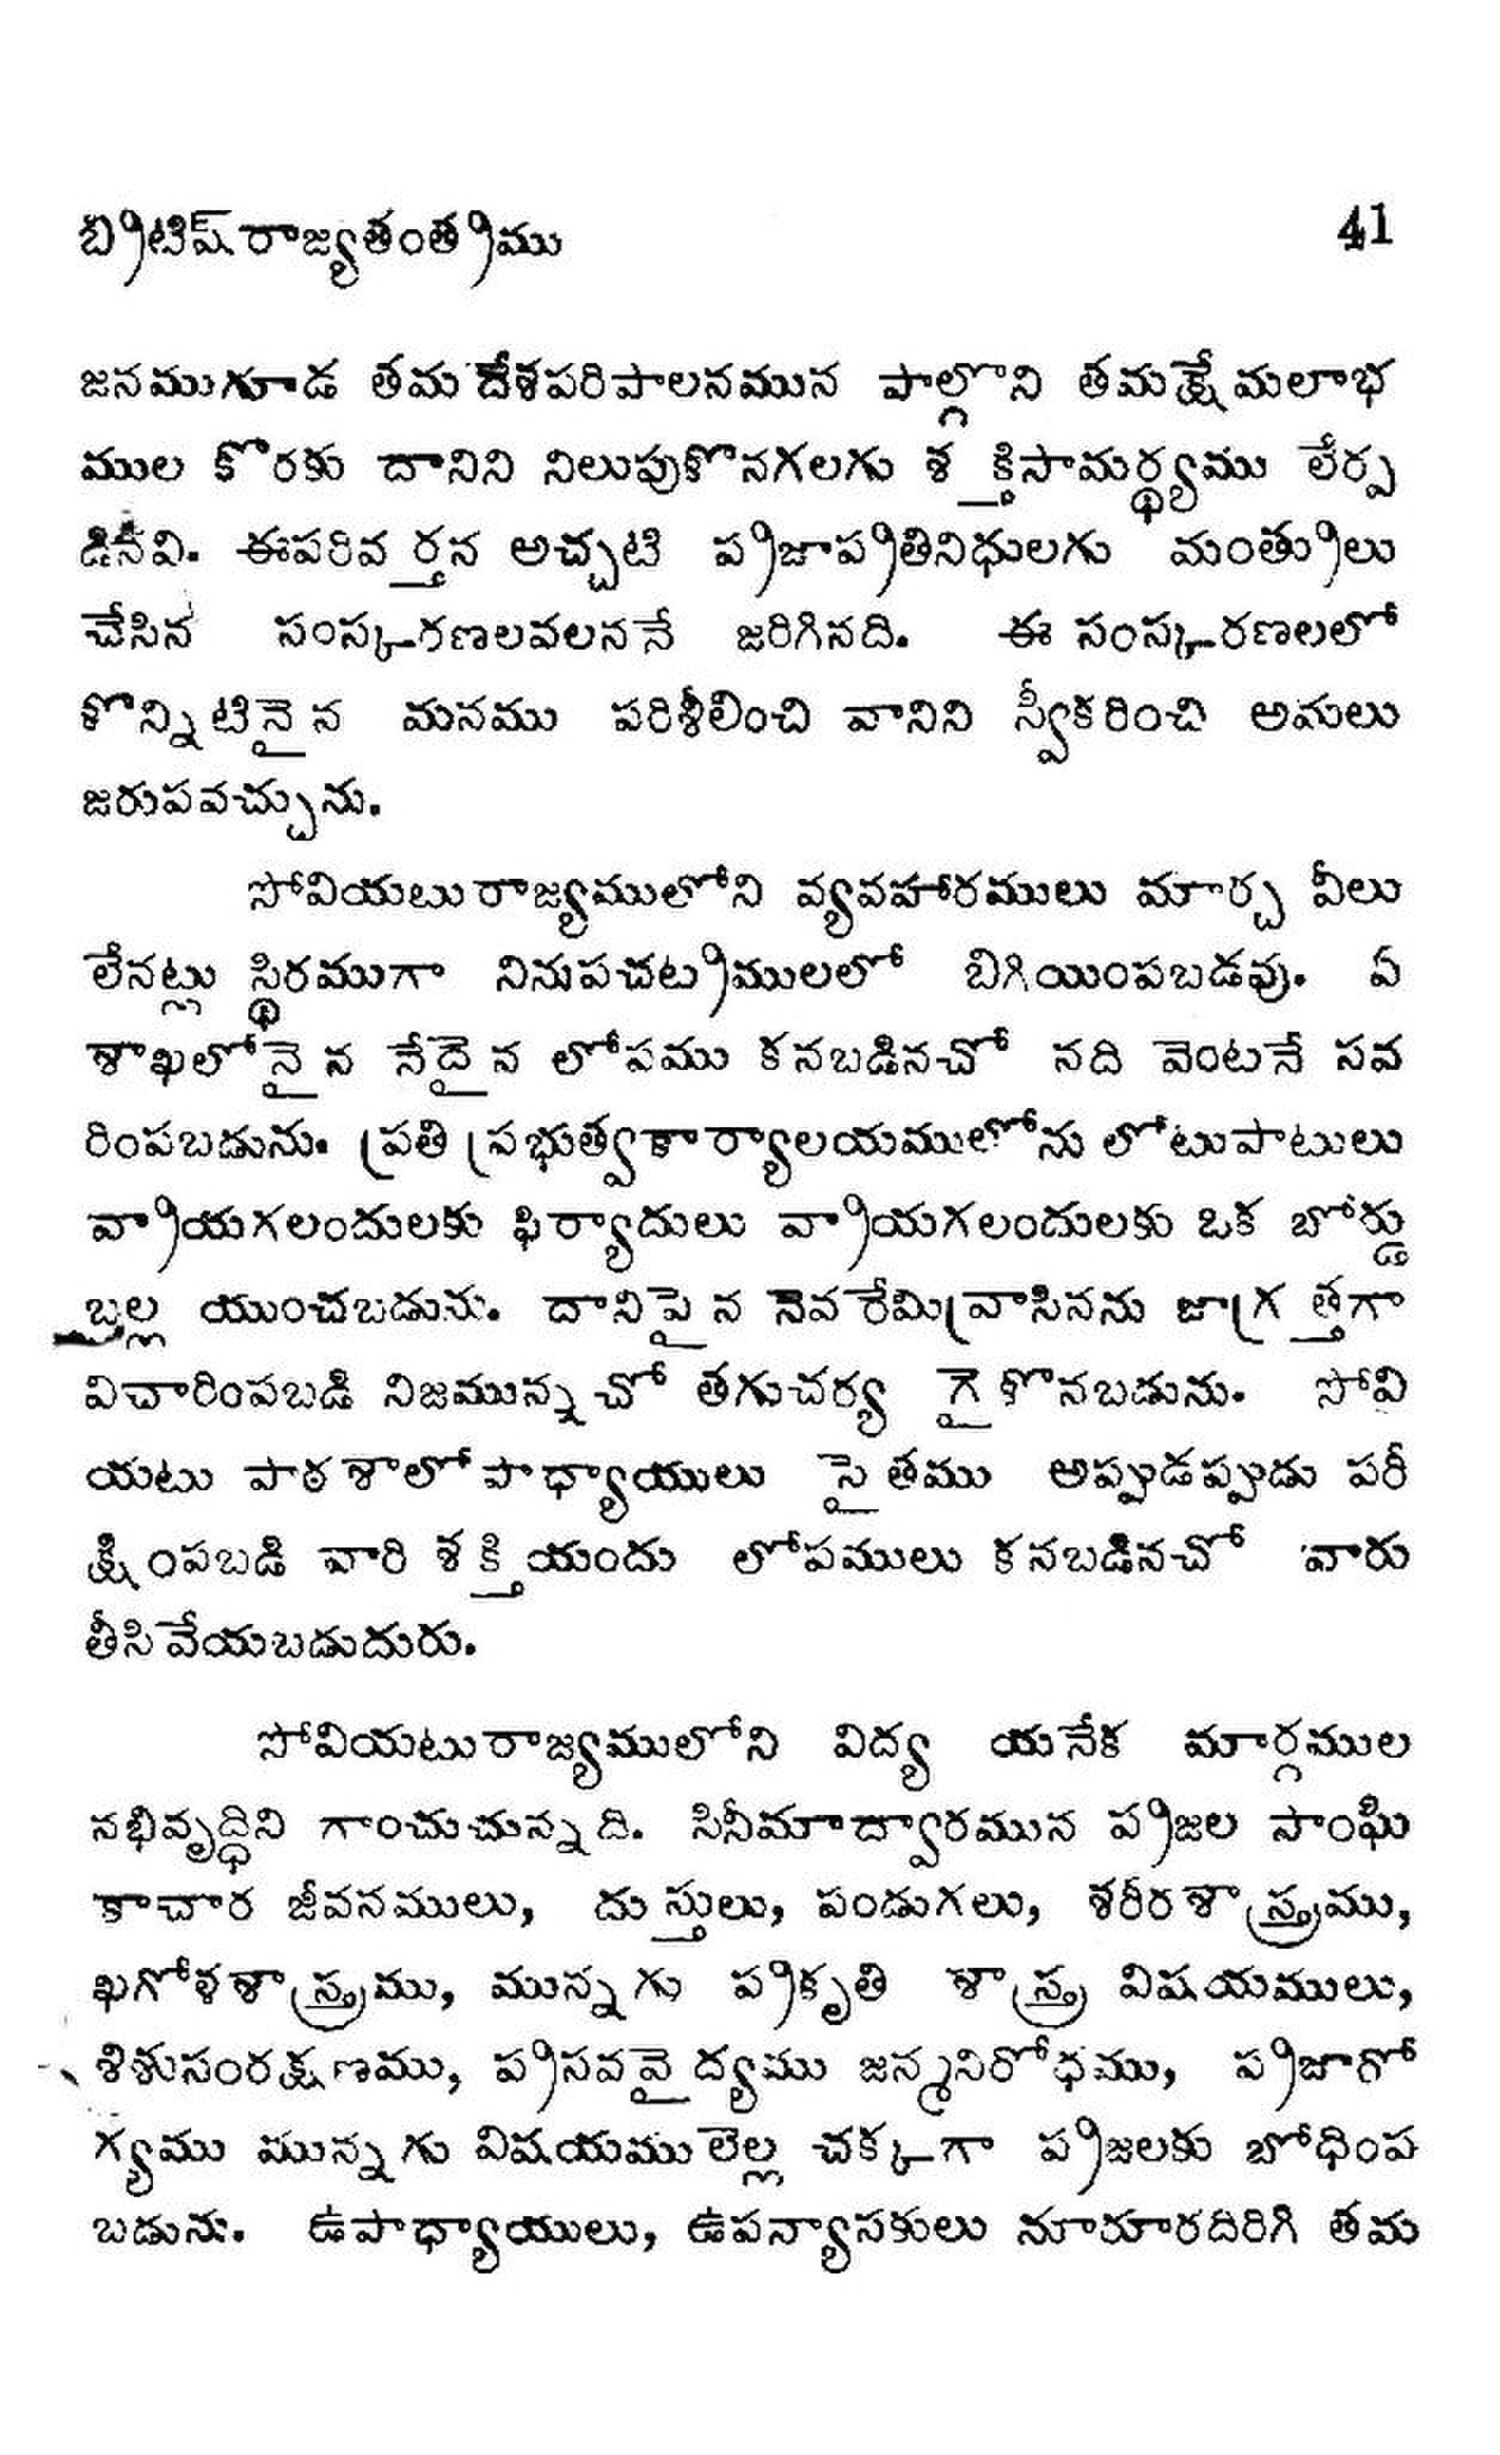జనముగూడ తమ దేశపరిపాలనమున పాల్గొని తమక్షేమలాభముల కొరకు దానిని నిలుపుకొనగలగు శక్తిసామర్ధ్యము లేర్పడినవి. ఈపరివర్తన అచ్చటి ప్రజాప్రతినిధులగు మంత్రులు చేసిన సంస్కరణలవలననే జరిగినది. ఈ సంస్కరణలలో కొన్నిటినైన మనము పరిశీలించి వానిని స్వీకరించి అమలు జరుపవచ్చును.

సోవియటు రాజ్యములోని వ్యవహారములు మార్చ వీలులేనట్లు స్థిరముగా నినుపచట్రములలో బిగియింపబడవు. ఏ శాఖలోనైన నేదైన లోపము కనబడినచో నది వెంటనే సవరింపబడును. ప్రతి ప్రభుత్వకార్యాలయములోను లోటుపాటులు వ్రాయగలందులకు ఫిర్యాదులు వ్రాయగలందులకు ఒక బోర్డు బల్ల యుంచబడును. దానిపైన నెవరేమి వ్రాసినను జాగ్రత్తగా విచారింపబడి నిజమున్నచో తగుచర్య గైకొనబడును. సోవియటు పాఠశాలోపాధ్యాయులు సైతము అప్పుడప్పుడు పరీక్షింపబడి వారి శక్తియందు లోపములు కనబడినచో వారు తీసివేయబడుదురు.

సోవియటు రాజ్యములోని విద్య యనేక మార్గముల నభివృద్ధిని గాంచుచున్నది. సినీమాద్వారమున ప్రజల సాంఘికాచార జీవనములు, దుస్తులు, పండుగలు, శరీరశాస్త్రము, ఖగోళశాస్త్రము, మున్నగు ప్రకృతి శాస్త్ర విషయములు, - శిశుసంరక్షణము, ప్రసవవైద్యము జన్మనిరోధము, ప్రజారోగ్యము మున్నగు విషయములెల్ల చక్కగా ప్రజలకు బోధింపబడును. ఉపాధ్యాయులు, ఉపన్యాసకులు నూరూరదిరిగి తమ